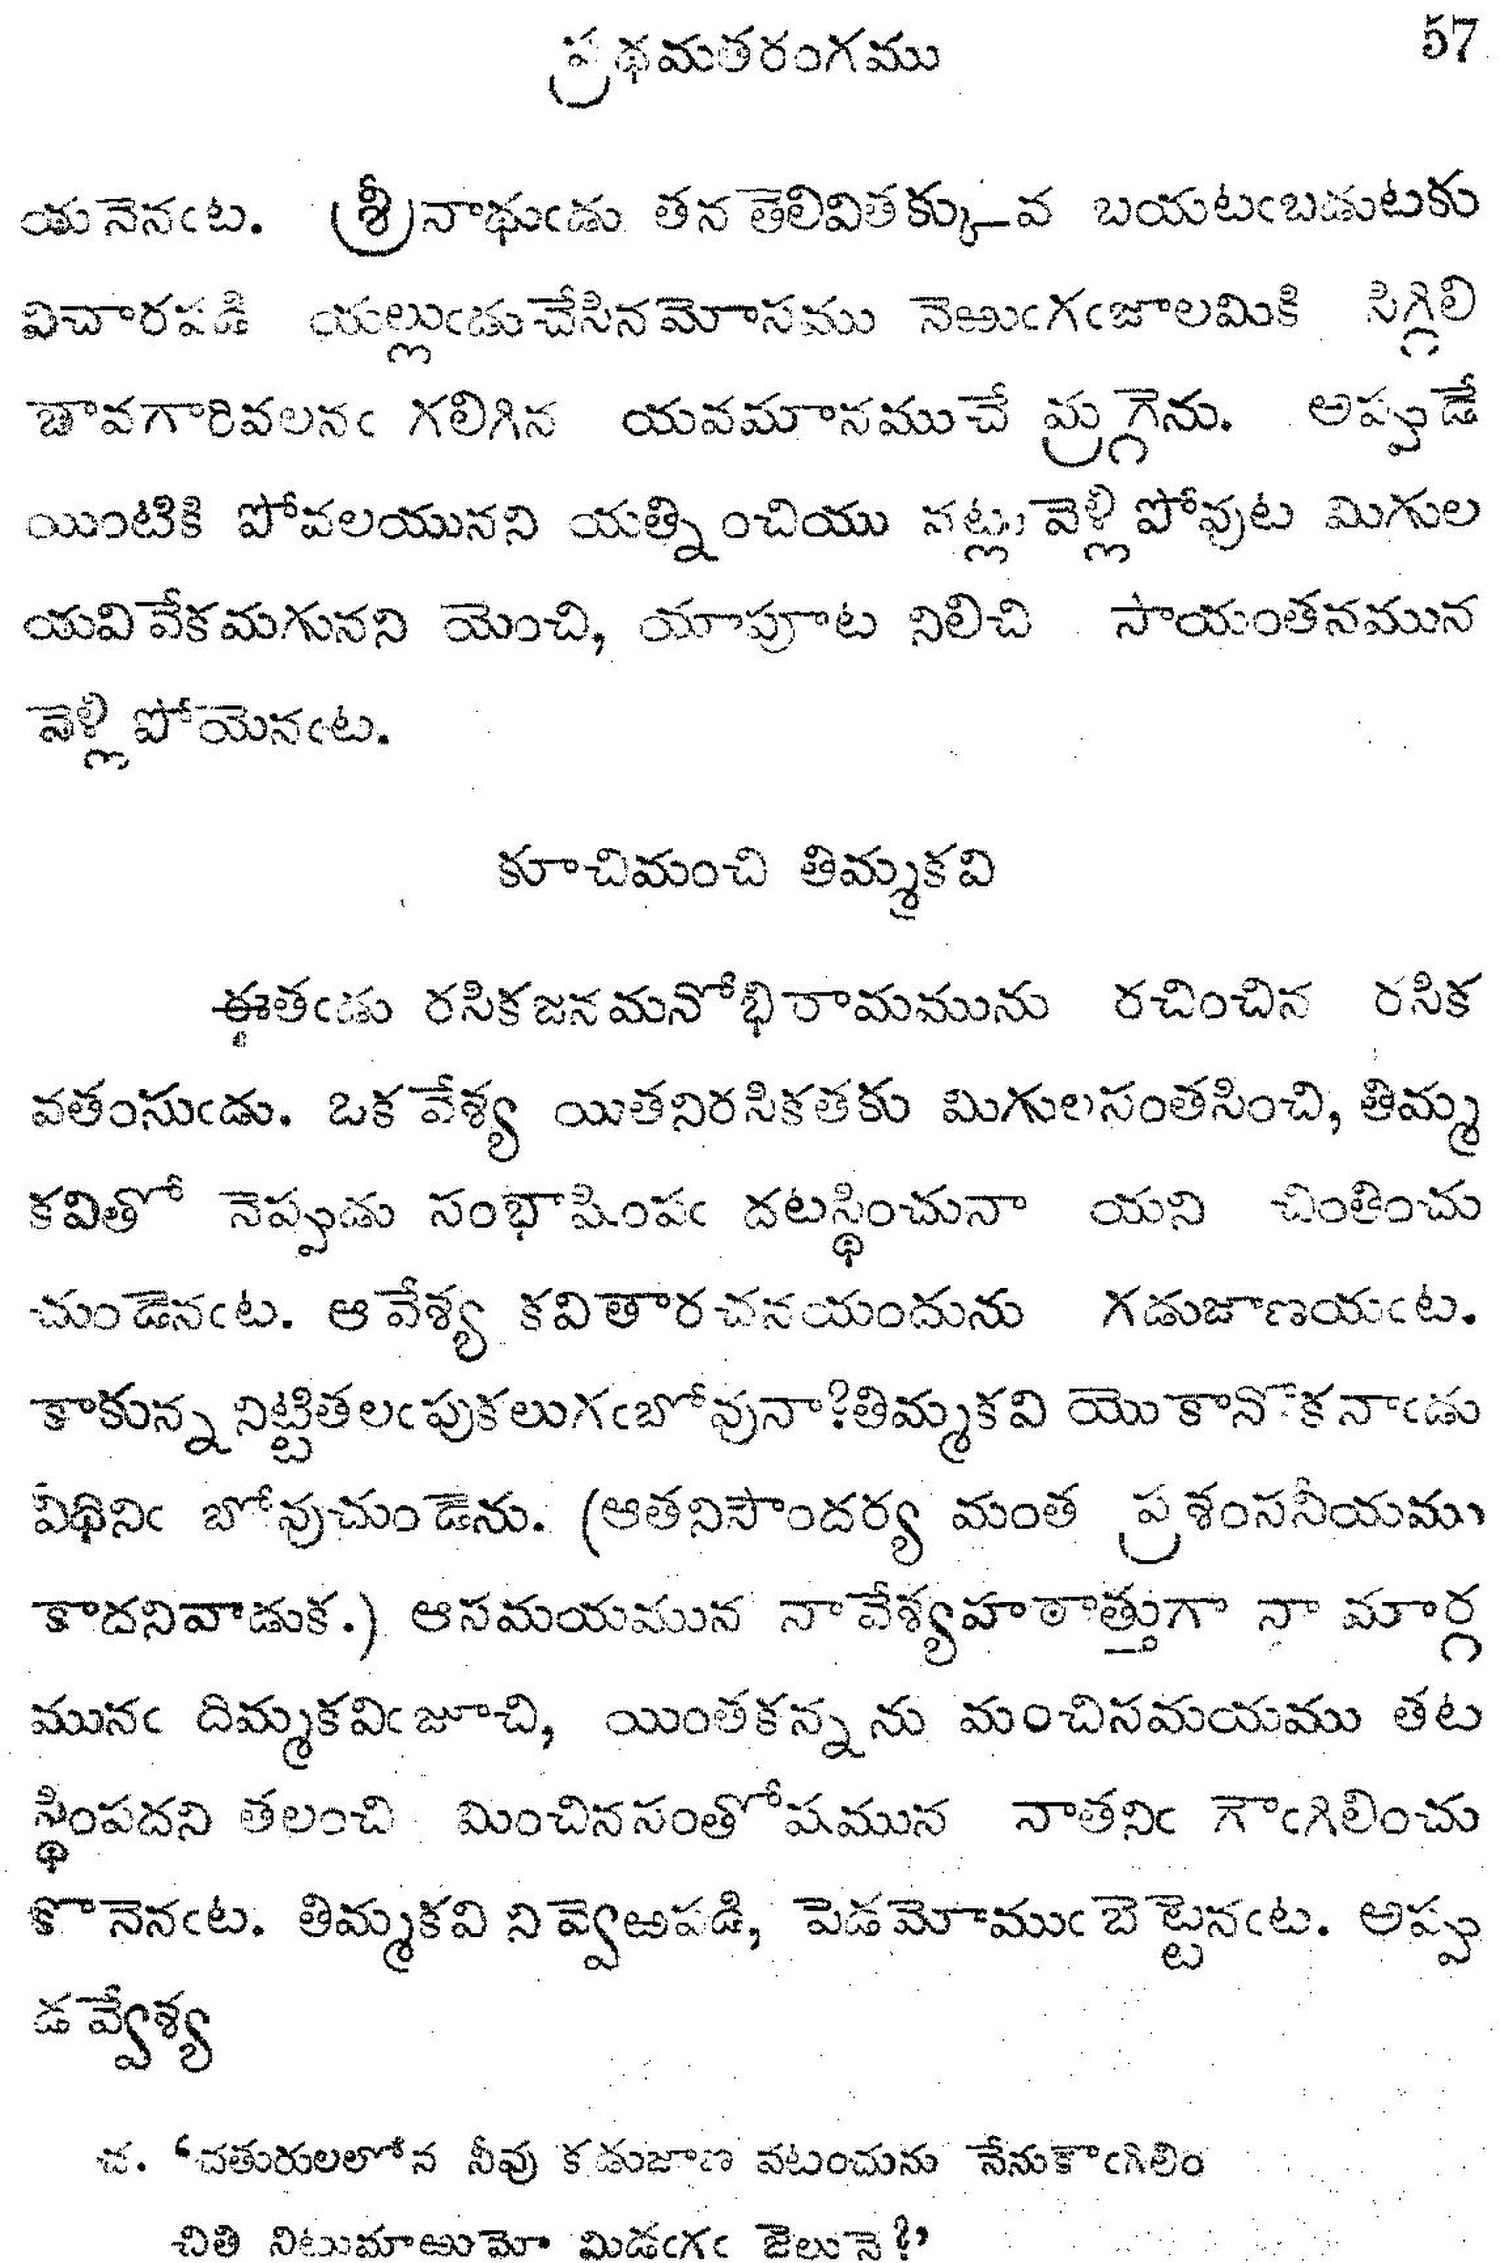యనెనఁట. శ్రీనాథుఁడు తనతెలివితక్కువ బయటఁబడుటకు విచారపడి యల్లుఁడు చేసిన మోసము నెఱుఁగఁజాలమికి సిగ్గిలి బావగారివలనఁ గలిగిన యవమానముచే మ్రగ్గెను. అప్పుడే యింటికి పోవలయునని యత్నించియు నట్లు వెళ్ళిపోవుట మిగుల యవివేకమగునని యెంచి, యాపూట నిలిచి సాయంతనమున వెళ్ళిపోయెనఁట.

ఈతఁడు రసికజనమనోభిరామమను రచించిన రసికవతంసుఁడు. ఒకవేశ్య యితనిరసికతకు మిగులసంతసించి, తిమ్మకవితో నెప్పుడు సంభాషింపఁ దటస్థింతునా యని చింతించుచుండెనఁట. ఆవేశ్య కవితారచనయందును గడుజాణయఁట. కాకున్న నిట్టితలఁపు కలుగఁబోవునా? తిమ్మకవి యొకానొకనాఁడు వీథినిఁ బోవుచుండెను. (ఆతనిసౌందర్య మంత ప్రశంసనీయము కాదని వాడుక.) ఆసమయమున నావేశ్య హఠాత్తుగా నామార్గమునఁ దిమ్మకవిఁ జూచి, యింతకన్నను మంచిసమయము తటస్థింపదని తలంచి మించినసంతోషమున నాతనిఁ గౌఁగిలించుకొనెనఁట. తిమ్మకవి నివ్వెఱపడి, పెడమోముఁ బెట్టెనఁట. అప్పు డవ్వేశ్య

చ. ‘చతురులలోన నీవు కడుజాణ వటంచును నేను కౌఁగిలిం
 చితి నిట్లు మాఱుమే మిడఁగఁ జెల్లునె?’